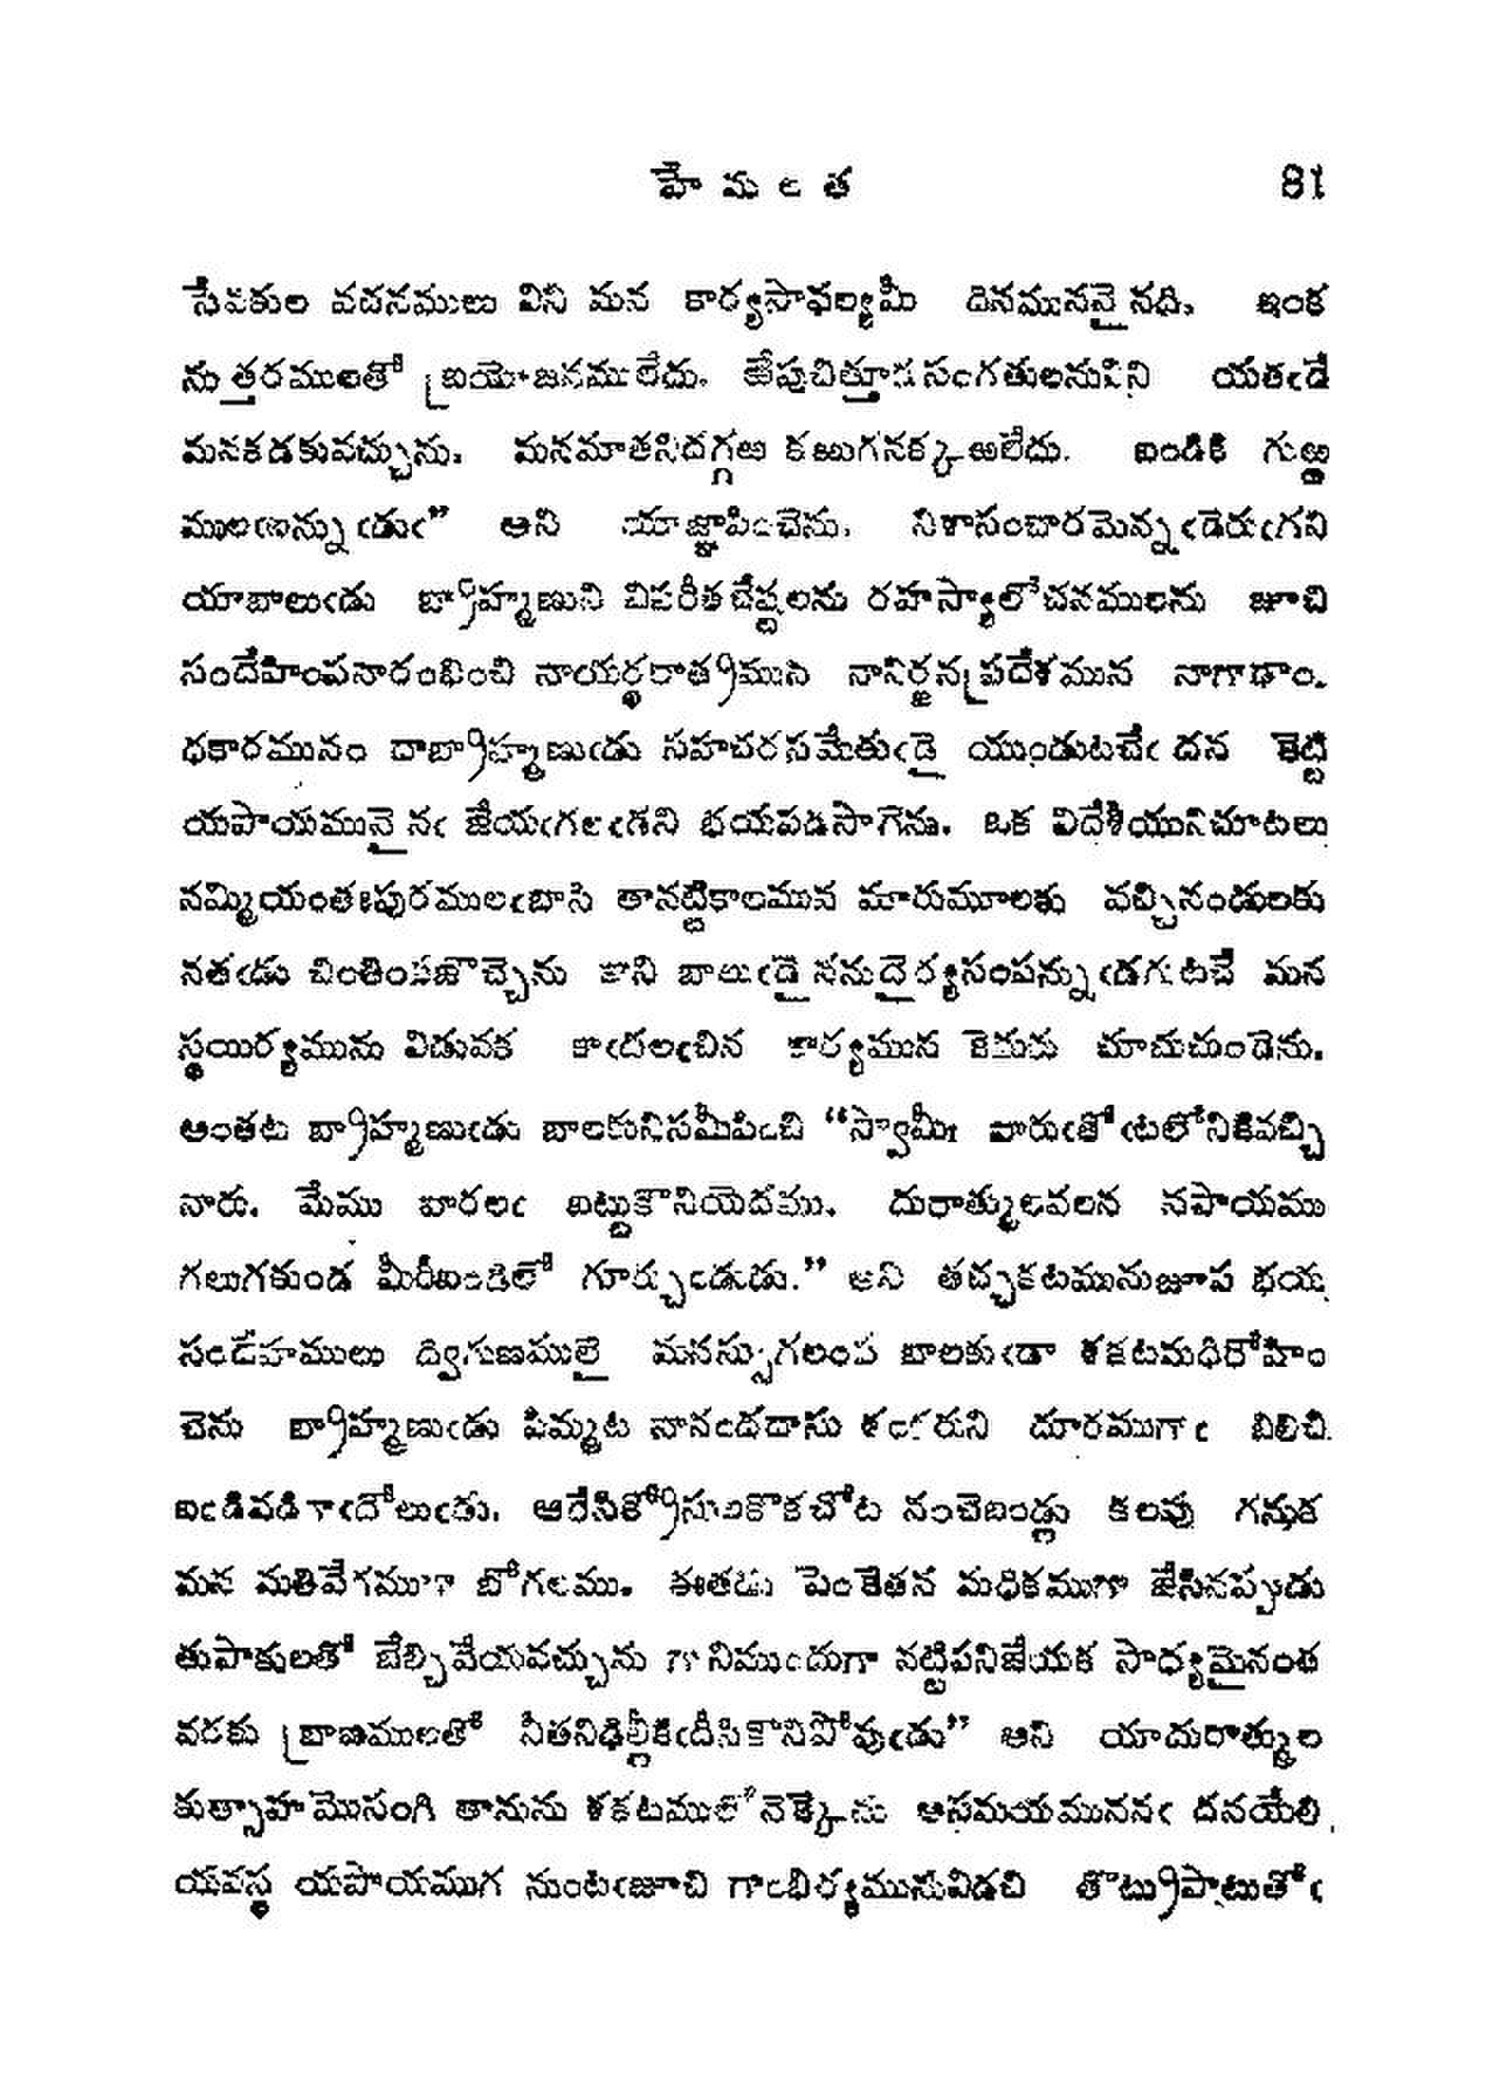సేవకుల వచనములు విని మన కార్యసాఫల్యామీ దినమునవైనది. ఇంక నుత్తరములతో బ్రయోజనము లేదు. ఱేపుచిత్తూరుసంగతులనువిని యతఁడే మనకడకువచ్చును. మనమాతనిదగ్గఱ కఱుగక్కఱలేదు. బండికి గుఱ్ఱములఁబన్నుఁడుఁ” అని యాజ్ఞాపించెను. నిశాసంచారమెన్నఁడెరుఁగని యాబాలుఁడు బ్రాహ్మణుని విపరీతచేష్టలను రహస్యాలోచనములను జూచి సందేహింపనారంభించి నాయర్ధరాత్రమున నానిర్జనప్రదేశమున నాగాఢాందకారమునం దాబ్రాహ్మణుఁడు సహచరసమేతుఁడై యుండుటచే తన కెట్టి యపాయమునైనఁ జేయఁగలఁడని భయపడసాగెను. ఒక విదేశీయునిమాటలు నమ్మి యంతఃపురములబాసి తానట్టికాలమున మారుమూలకు వచ్చినందులకు నతఁడు చింతింప జొచ్చెను కాని బాలుఁడైనను ధైర్యసంపన్నుడగుటచే మనస్థయిర్యమును విడువక కాఁదలఁచిన కార్యము కెదురు చూచుచుండెను. అంతట బ్రాహ్మణుడు బాలకుని సమీపించి “స్వామీ! వారుతోటలోనికివచ్చినారు. మేము వారలఁ బట్టుకొనియెదము. దురాత్ముల వలన నపాయము గలుగకుండ మీరీబండిలో గూర్చుండుడు.” అని తచ్చకటమునుజూప భయ సందేహములు ద్విగుణములై మనస్సుగలంప బాలకుఁడా శకటమధిరోహించెను. బ్రాహ్మణుడు పిమ్మట నానందదాసు శంకరుని దూరముగాఁ బిలిచి బండివడిగాఁదోలుఁడు. ఆరేసిక్రోసులకొకచోట నంచెబండ్లు కలవు గనుక మన మతివేగముగా బోగలము. ఈతడు పెంకెతన మధికముగా జేసినప్పుడు తుపాకులతో బేల్చివేయవచ్చును గానిముందుగా నట్టిపనిజేయక సాధ్యమైనంతవరకు బ్రాణములతో నీతనిఢిల్లీకిఁదీసికొనిపోవుఁడు” యని యాదురాత్ముల కుత్సాహమొసంగి తానును శకటములో నెక్కెను. ఆసమయమునఁ దనయేలిక యవస్థఁ యపాయముగ నుంటజూచి గాంభీర్యమునువిడచి తొట్రుపాటుతోఁ